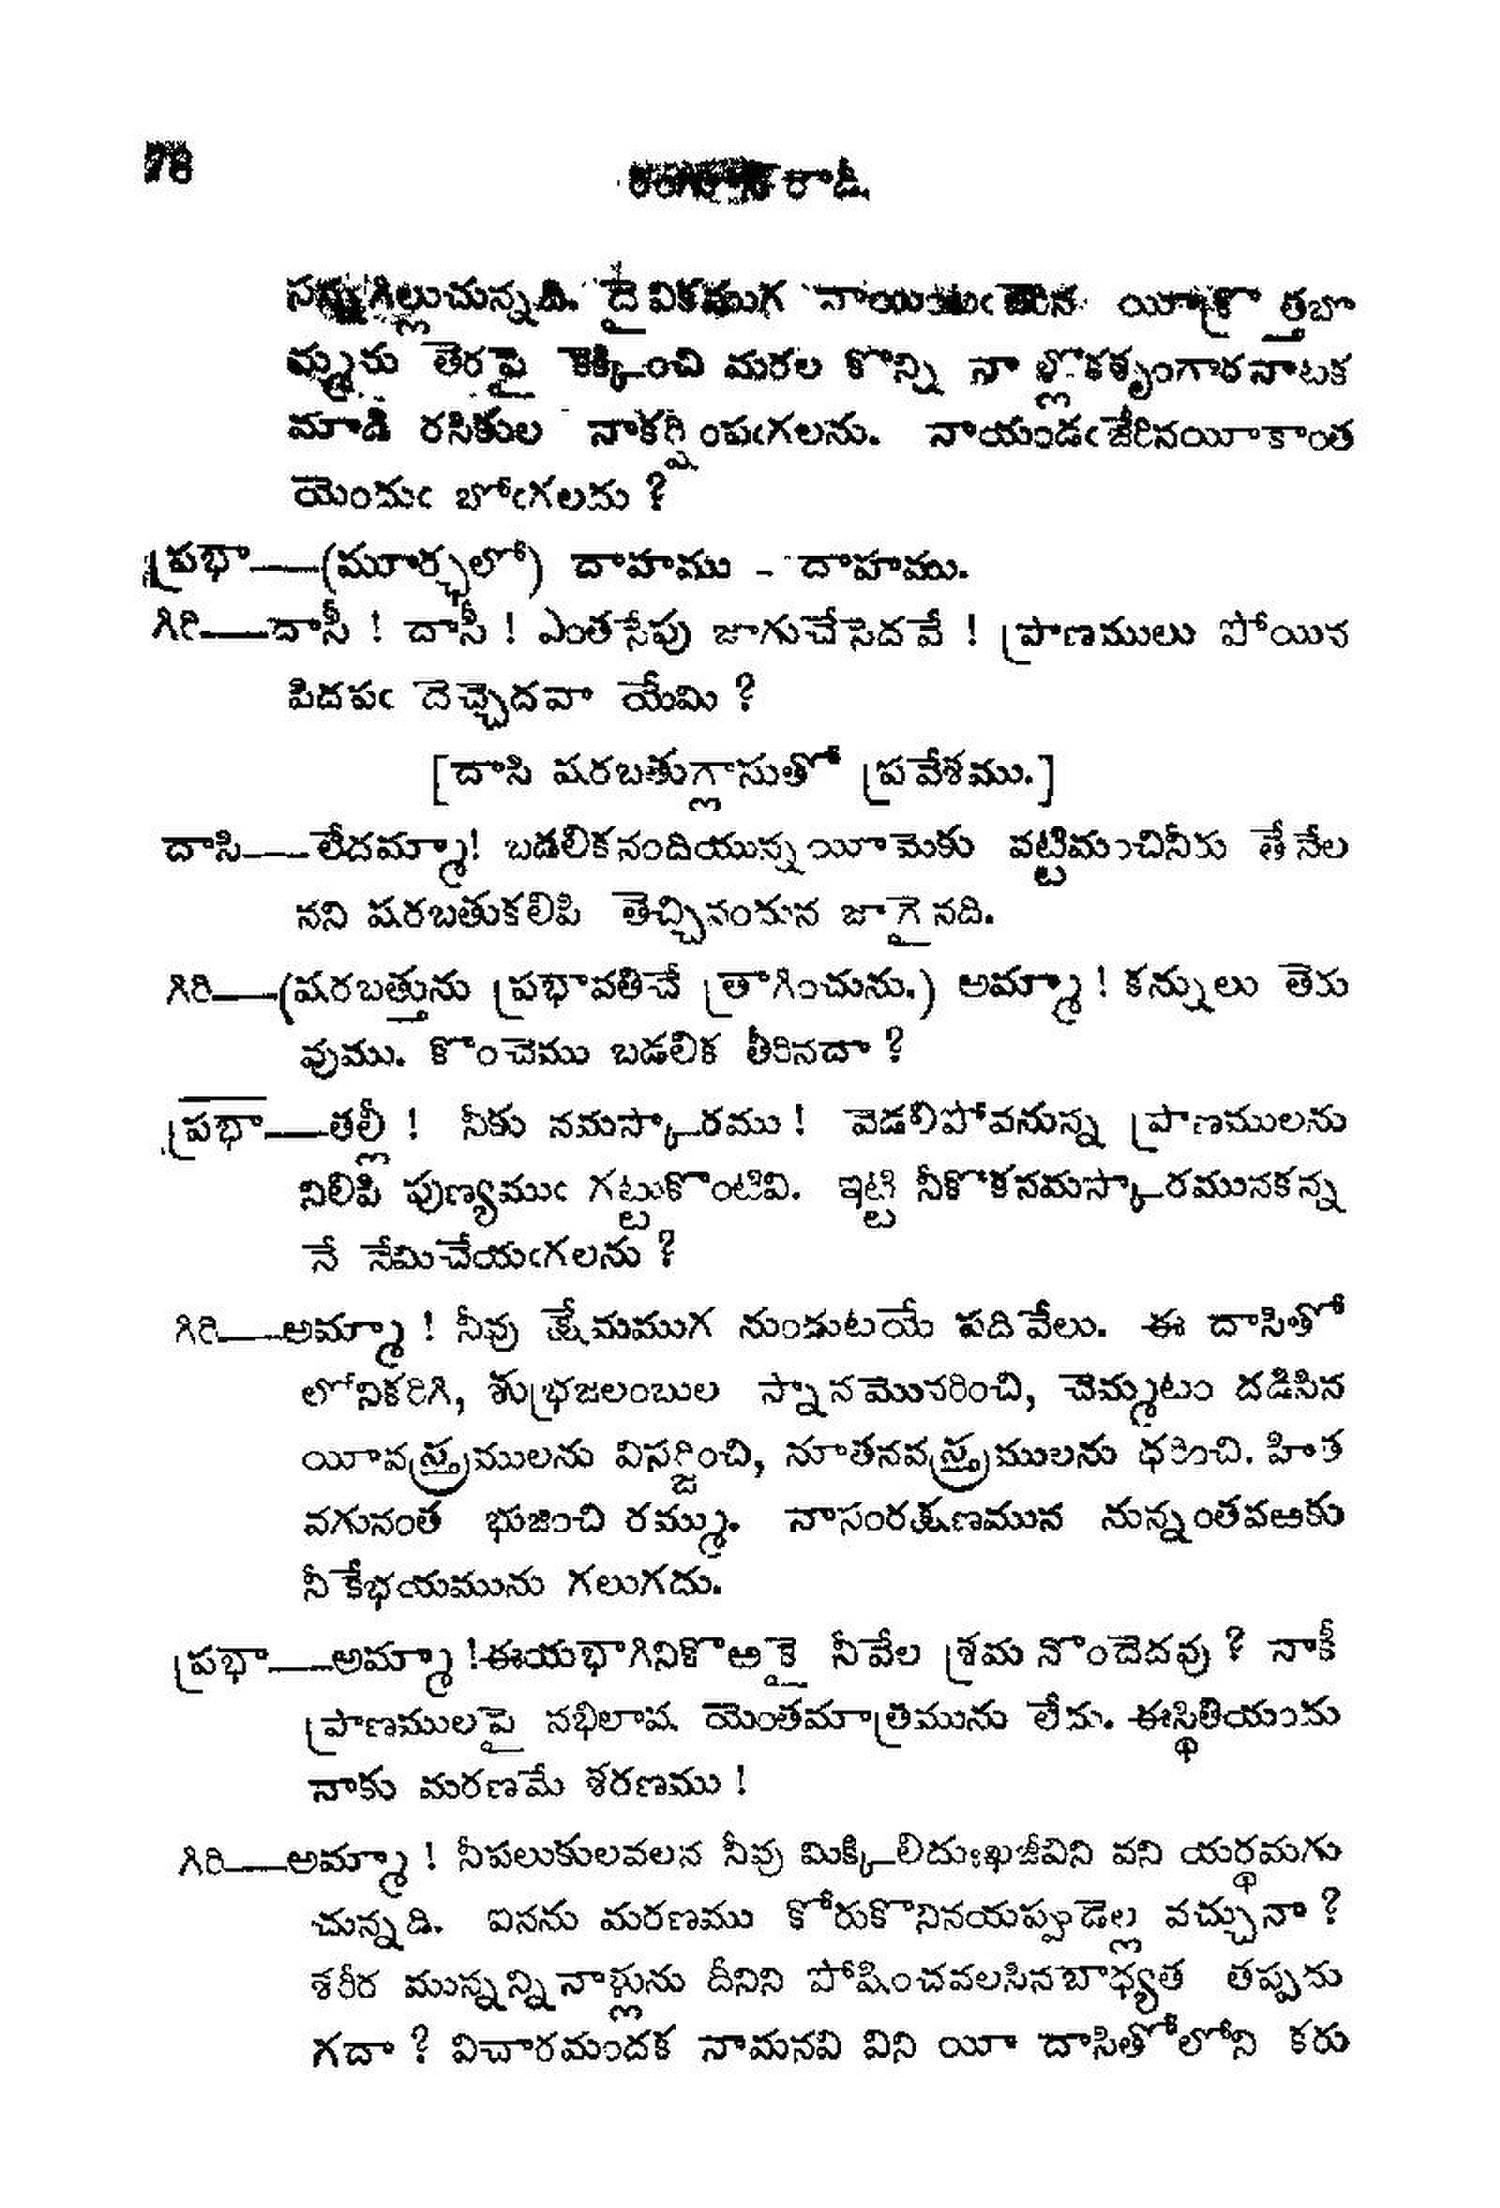సన్నగిల్లుచున్నది. దైవికముగ నాయింటఁజేరిన: యీక్రొత్తబొమ్మను తెరపై కెక్కించి మరల కొన్ని నా ళ్లొక శృంగారనాటక మాడి రసికుల నాకర్షింపఁగలను. నాయండఁజేరినయీకాంత యెందుఁ బోగలదు?

ప్రభా -- (మూర్ఛలో) దాహము - దాహము.

గిరి - దాసీ ! దాసీ ! ఎంతసేపు జూగుచేసెదవే ! ప్రాణములు పోయిన పిదపఁ దెచ్చెదవా యేమి ?

దాసి - లేదమ్మా! బడలికనందియున్నయీమెకు వట్టిమంచినీరు తే నేలనని షరబతుకలిపి తెచ్చినందున జాగైనది.

గిరి — (షరబత్తును ప్రభావతిచే త్రాగించును.) అమ్మా ! కన్నులు తెరువుము. కొంచెము బడలిక తీరినదా?

ప్రభా - తల్లీ ! నీకు నమస్కారము ! వెడలిపోవనున్న ప్రాణములను నిలిపి పుణ్యముఁ గట్టుకొంటివి. ఇట్టి నీకొకనమస్కారమునకన్న నే నేమిచేయఁగలను?

గిరి - అమ్మా ! నీవు క్షేమముగ నుండుటయే పదివేలు. ఈ దాసితో లోనికరిగి, శుభ్రజలంబుల స్నానమొనరించి, చెమ్మటం దడిసిన యీవస్త్రములను విసర్జించి, నూతనవస్త్రములను ధరించి, హితవగునంత భుజించి రమ్ము. నాసంరక్షణమున నున్నంతవఱకు నీకేభయమును గలుగదు.

ప్రభా - అమ్మా !ఈయభాగినికొఱకై నీవేల శ్రమ నొందెదవు ? నాకీ ప్రాణములపై నభిలాష యెంతమాత్రమును లేదు. ఈస్థితియందు నాకు మరణమే శరణము!

గిరి - అమ్మా! నీపలుకులవలన నీవు మిక్కిలిదుఃఖజీవిని వని యర్థమగుచున్నది. ఐసను మరణము కోరుకొనినయప్పుడెల్ల వచ్చునా ? శరీర మున్నన్ని నాళ్లును దీనిని పోషించవలసినబాధ్యత తప్పదు
గదా ? విచారమందక నామనవి విని యీ దాసితోలోని కరు